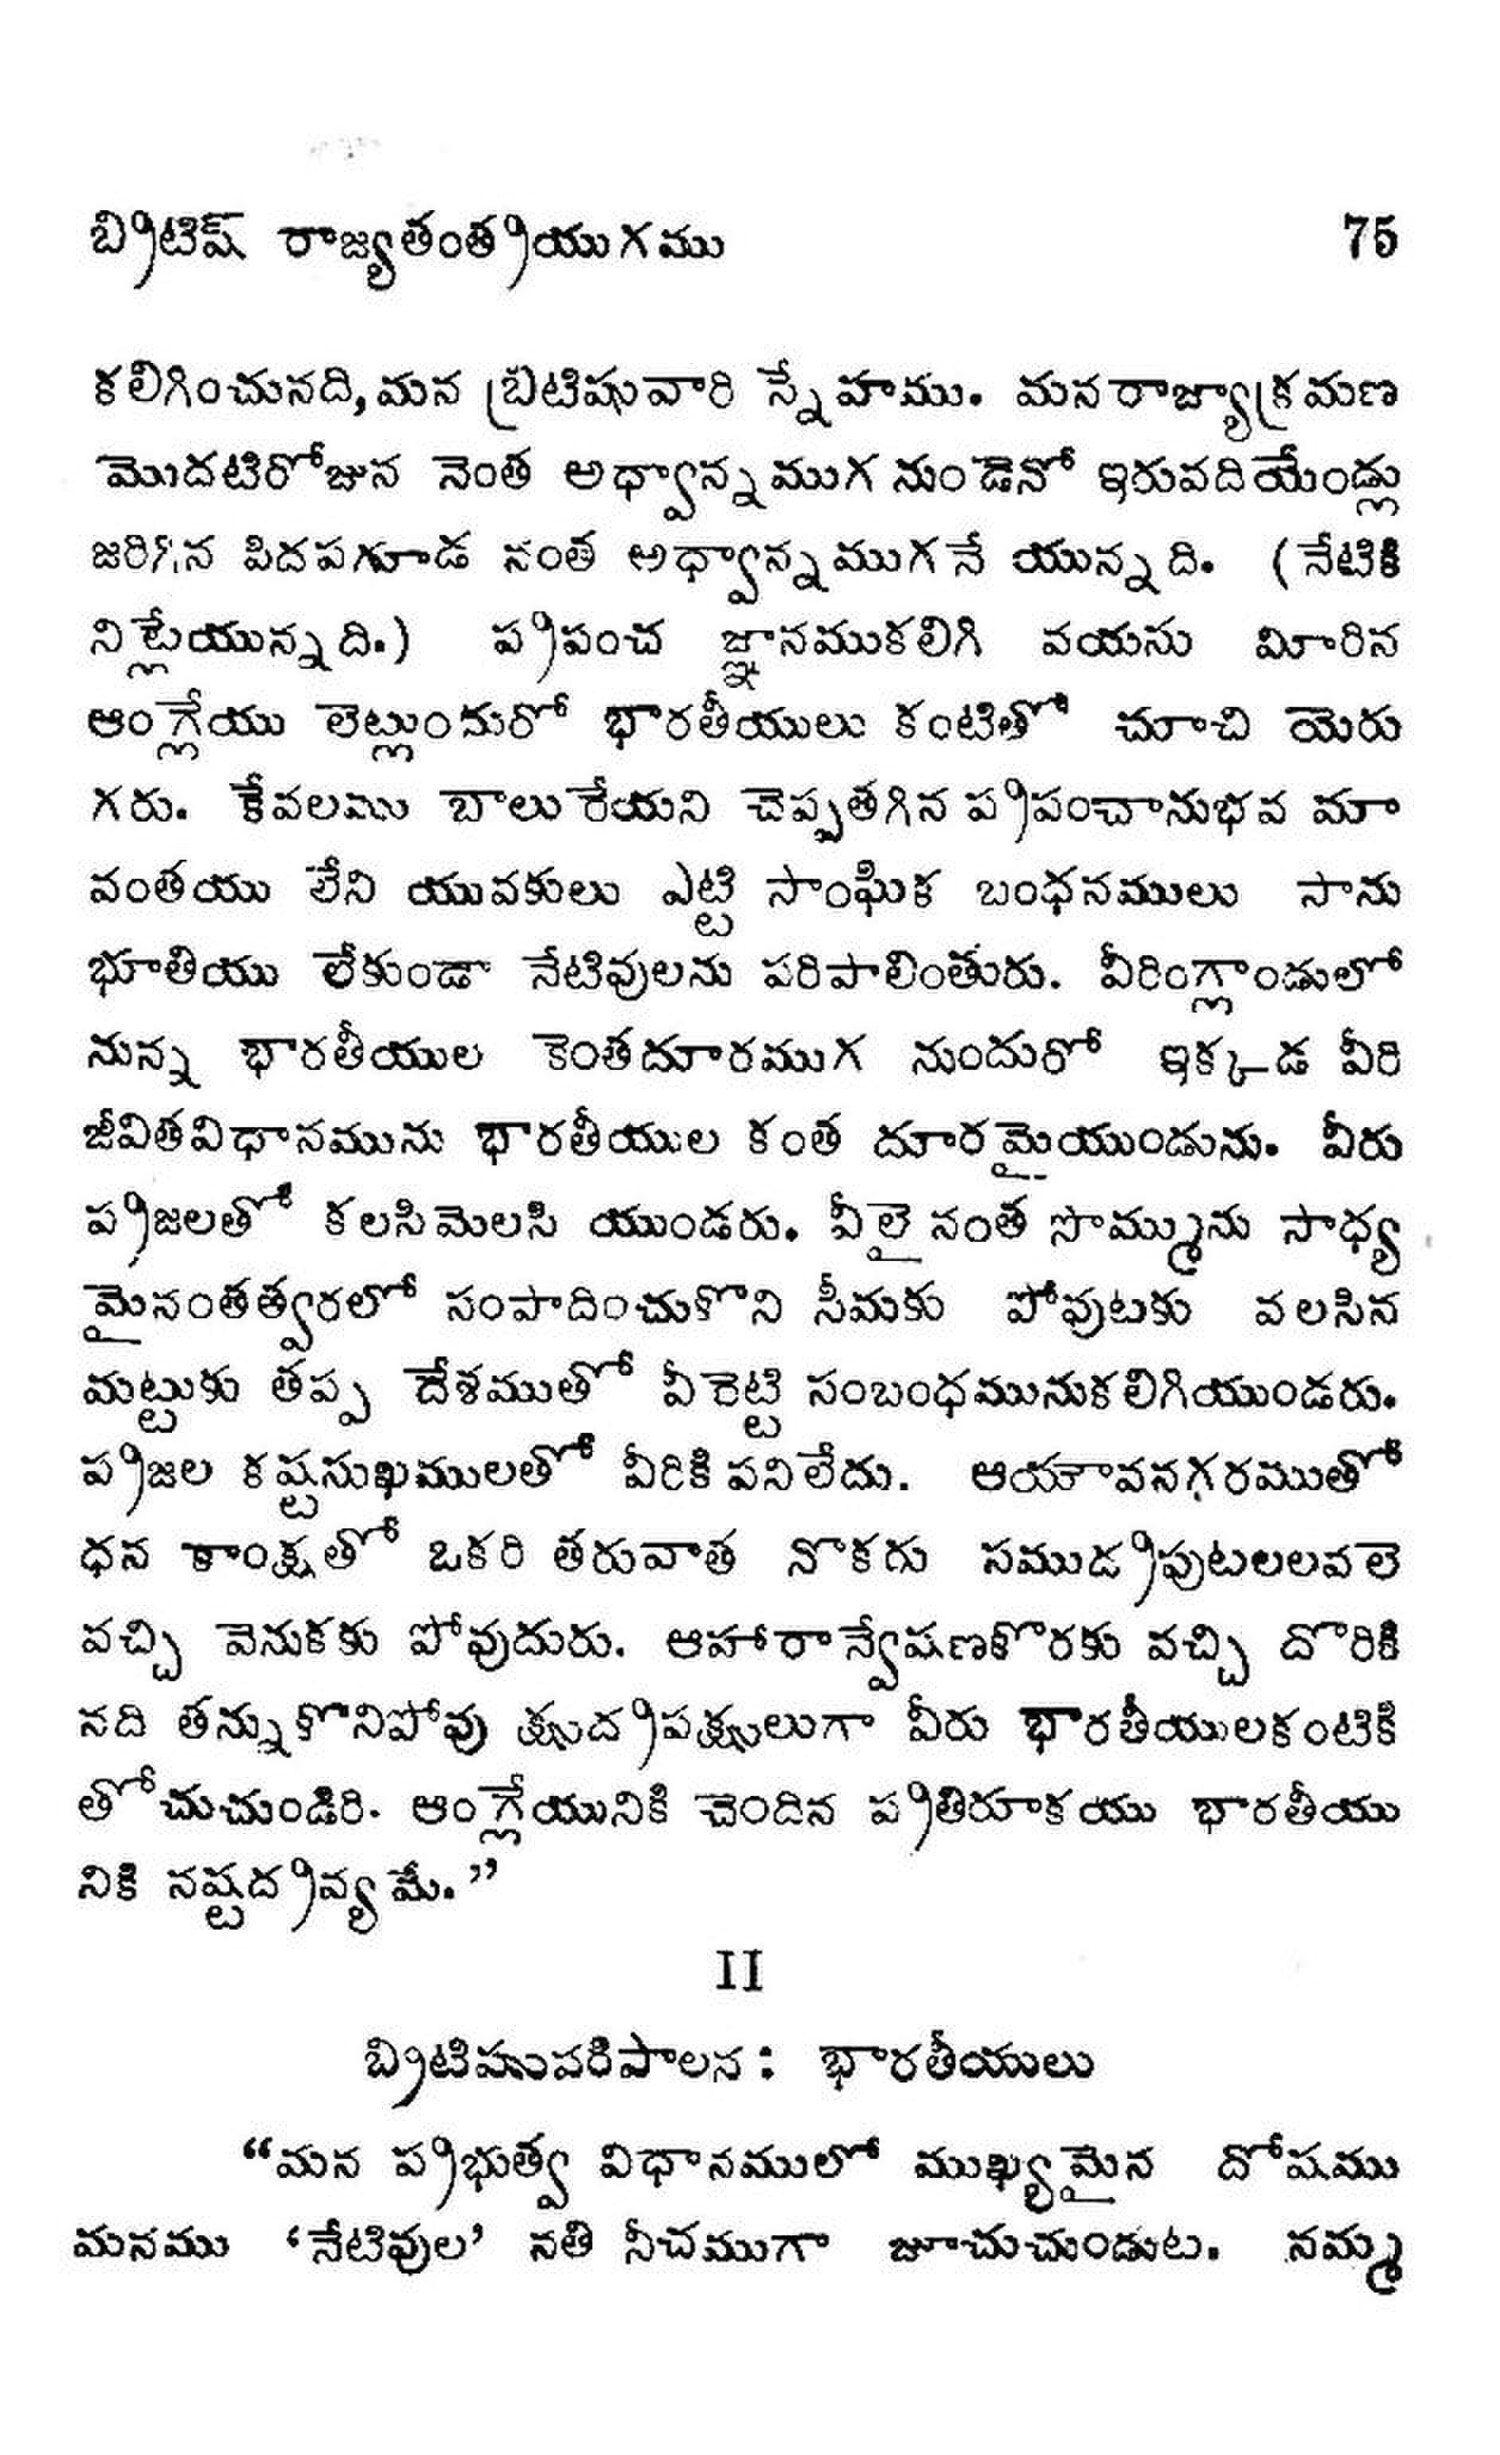కలిగించునది, మన బ్రిటిషువారి స్నేహము. మనరాజ్యాక్రమణ మొదటిరోజున నెంత అధ్వాన్నముగ నుండెనో ఇరువదియేండ్లు జరిగిన పిదపగూడ నంత అధ్వాన్నముగనే యున్నది. (నేటికి నిట్లేయున్నది.) ప్రపంచ జ్ఞానముకలిగి వయసు మీరిన ఆంగ్లేయు లెట్లుందురో భారతీయులు కంటితో చూచి యెరుగరు. కేవలము బాలురేయని చెప్పతగిన ప్రపంచానుభవ మా వంతయు లేని యువకులు ఎట్టి సాంఘిక బంధనములు సానుభూతియు లేకుండా నేటివులను పరిపాలింతురు. వీరింగ్లాండులో నున్న భారతీయుల కెంతదూరముగ నుందురో ఇక్కడ వీరి జీవితవిధానమును భారతీయుల కంత దూరమైయుండును. వీరు ప్రజలతో కలసిమెలసి యుండరు. వీలైనంత సొమ్మును సాధ్యమైనంత త్వరలో సంపాదించుకొని సీమకు పోవుటకు వలసిన మట్టుకు తప్ప దేశముతో వీరెట్టి సంబంధమునుకలిగియుండరు. ప్రజల కష్టసుఖములతో వీరికిపనిలేదు. ఆయౌవన గర్వముతో ధన కాంక్షతో ఒకరి తరువాత నొకరు సముద్రపుటలలవలె వచ్చి వెనుకకు పోవుదురు. ఆహారాన్వేషణకొరకు వచ్చి దొరికినది తన్నుకొనిపోవు క్షుద్రపక్షులుగా వీరు భారతీయులకంటికి తోచుచుండిరి. ఆంగ్లేయునికి చెందిన ప్రతిరూకయు భారతీయునికి నష్టద్రవ్యమే.”

II
బ్రిటిషుపరిపాలన : భారతీయులు 

“మన ప్రభుత్వ విధానములో ముఖ్యమైన దోషము మనము 'నేటివుల' నతి నీచముగా జూచుచుండుట, నమ్మ